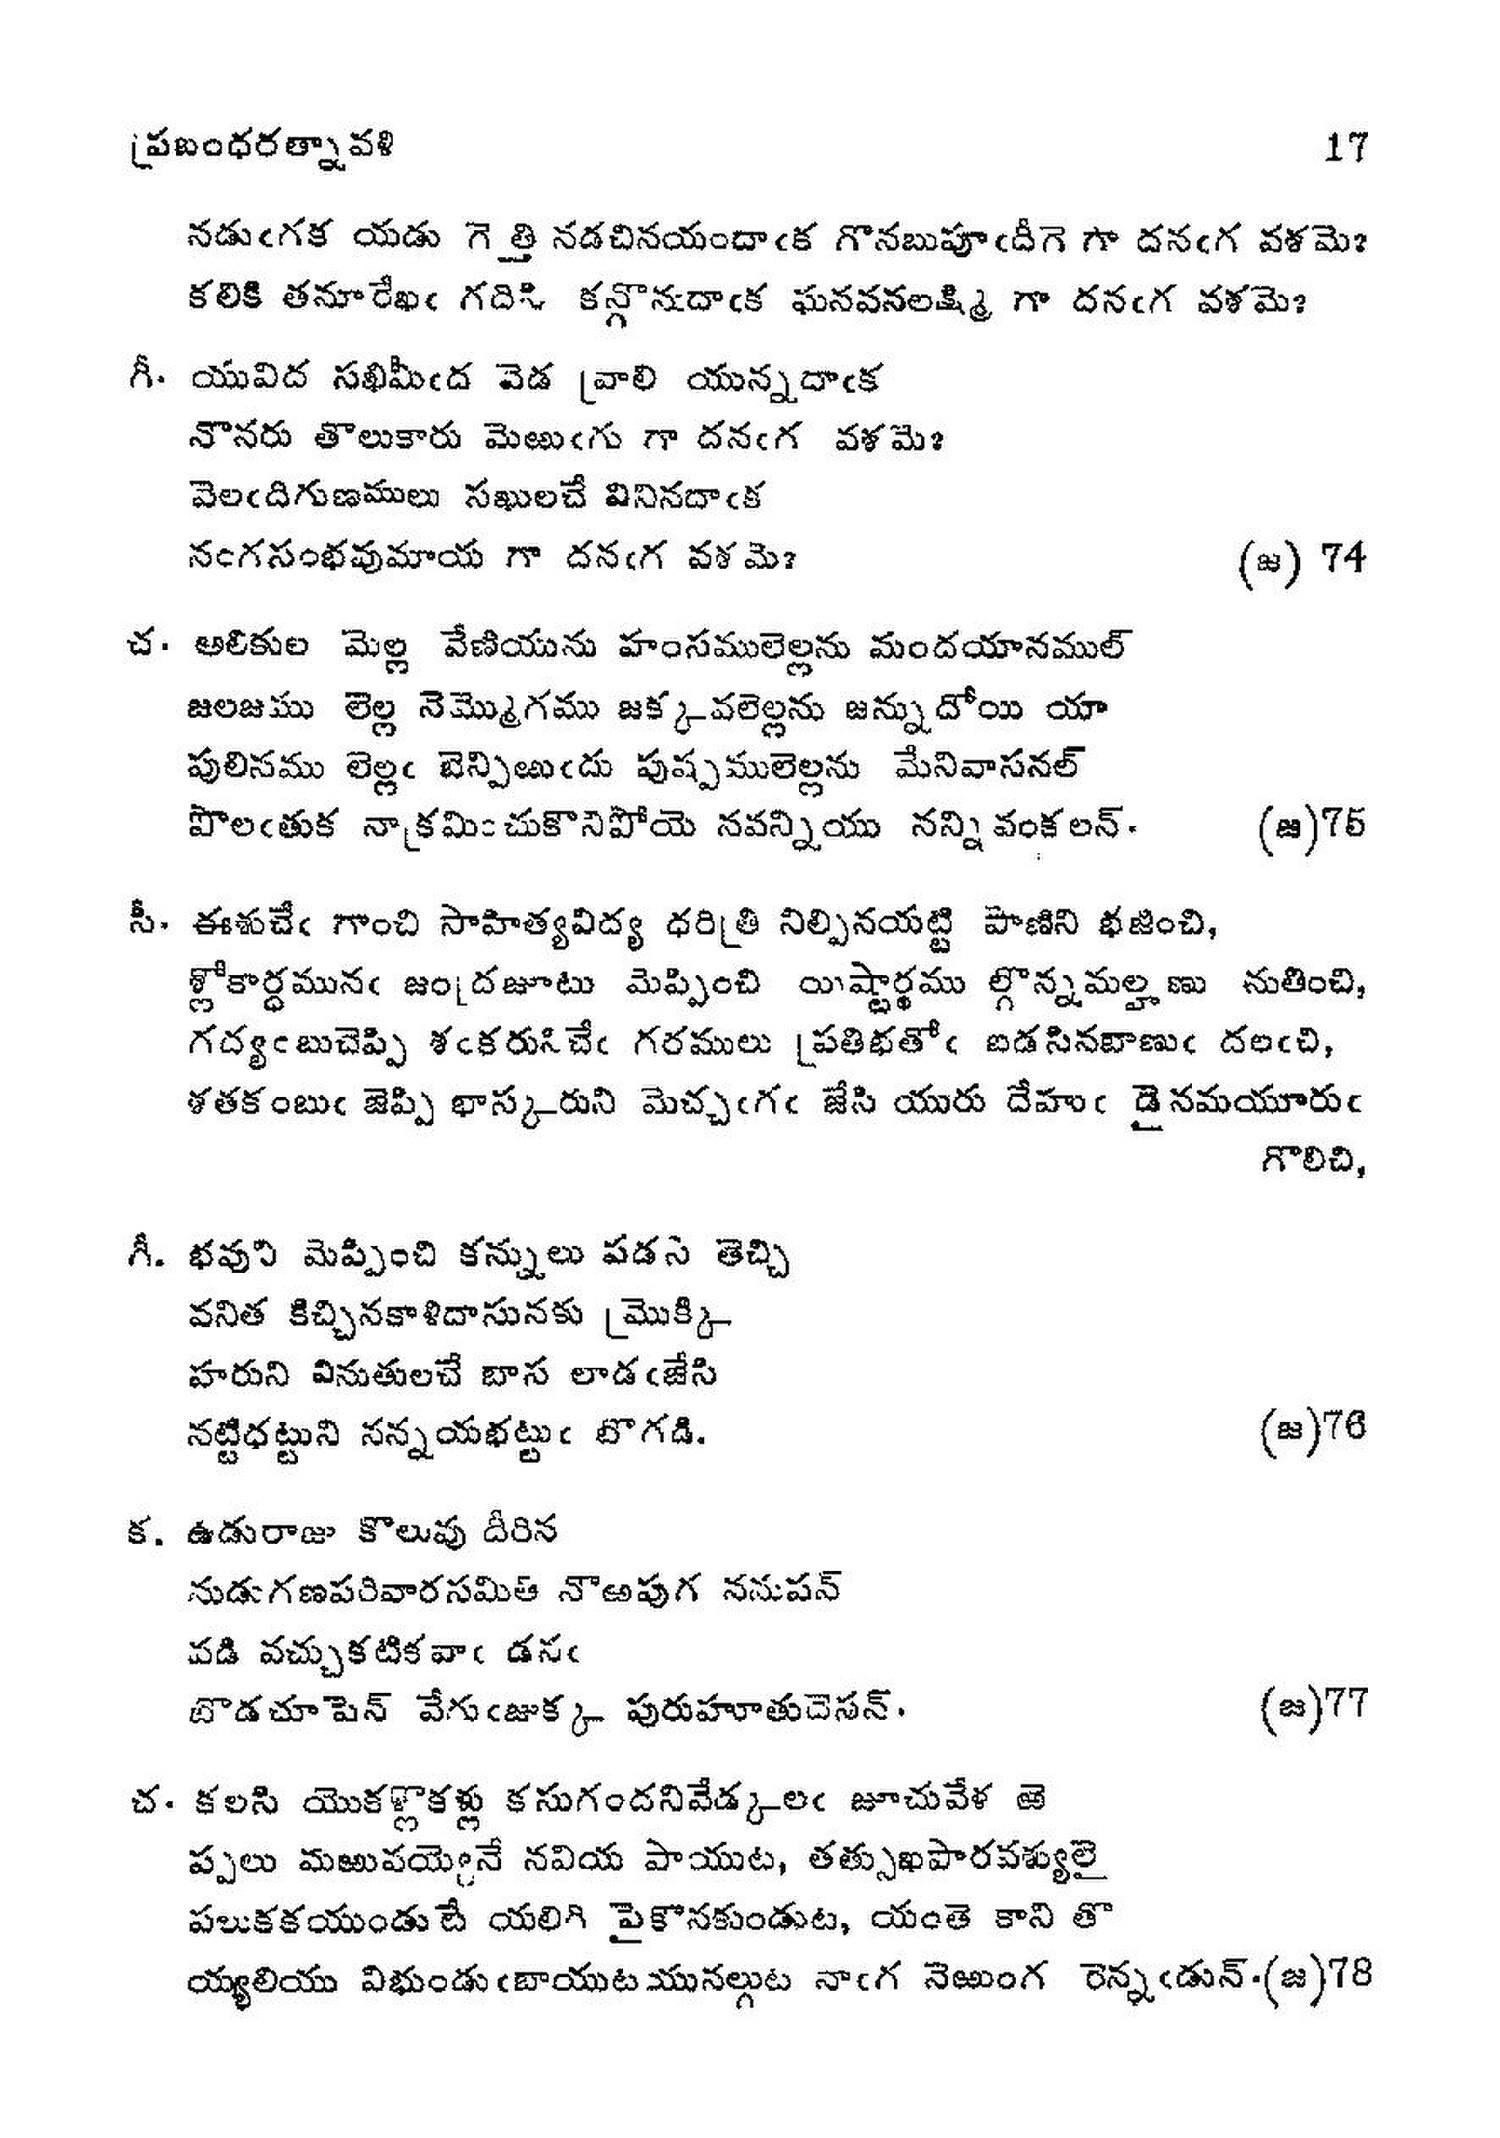నడుఁగక యడు గెత్తి నడచినయందాఁక గొనలుపూఁదీగె గా దనఁగ వశమె?
కలికి తనూరేఖఁ గదిసి కన్గొనుదాఁక ఘనవనలక్ష్మి గా దనఁగ వశమె?
గీ. యువిద సఖిమీఁద వెడ వ్రాలి యున్నదాఁక
నొనరు తొలుకారు మెఱుఁగు గా దనఁగ వశమె?
వెలఁదిగుణములు సఖులచే వినినదాఁక
నంగసంభవుమాయ గా దనఁగ వశమె? (జ) 74

చ. అలికుల మెల్ల వేణియును హంసములెల్లను మందయానముల్
జలజము లెల్ల నెమ్మొగము జక్కవలెల్లను చన్నుదోయి యా
పులినము లెల్లఁ బెన్బిఱుఁదు పుష్పములెల్లను మేనివాసనల్
పొలఁతుక నాశ్రయించుకొనిపోయె నవన్నియు నన్నివంకలన్. (జ) 75

సీ. ఈశుచేఁ గాంచి సాహిత్యవిద్య ధరిత్రి నిల్పినయట్టి పాణిని భజించి,
శ్లోకార్థమునఁ జంద్రజూటు మెప్పించి యి ష్టార్థము ల్గొన్న మల్హణు నుతించి,
గద్యంబు చెప్పి శంకరునిచేఁ గరములు ప్రతిభతోఁ బడసిన బాణుఁ దలఁచి,
శతకంబుఁ చెప్పి భాస్కరుని మెచ్చఁగఁ జేసి యురుదేహుఁ డైన మయూరుఁ గొలిచి,
తే. భవుని మెప్పించి కన్నులు పడసి తెచ్చి
వనిత కిచ్చిన కాళిదాసునకు మ్రొక్కి
హరుని వినతులచేఁ బాస లాడఁజేసి
నట్టిధట్టుని నన్నయభట్టుఁ బొగడి. (జ) 76

క. ఉడురాజు కొలువు దీరిన
నుడుగణపరివారసమితి నొఱపుగ ననుపన్
వడి వచ్చుకటికవాఁ డనఁ
బొడజూపెన్ వేగుఁజుక్క పురుహూతుదెసన్. (జ) 77

చ. కలిసి యొకళ్ళొకళ్ళు కసుగందనివేడ్కలఁ జూచువేళ ఱె
ప్పలు మఱువయ్యెనే నవియుఁ పాయుట, తత్సుఖపారవశ్యులై
పలుకకయుండుటే యలిగి పైకొనకుండుట, యంతె గాని తొ
య్యలియు విభుండుఁ బాయుటయు నల్గుట నాఁగ నెఱుంగ రెన్నఁడున్. (జ) 78